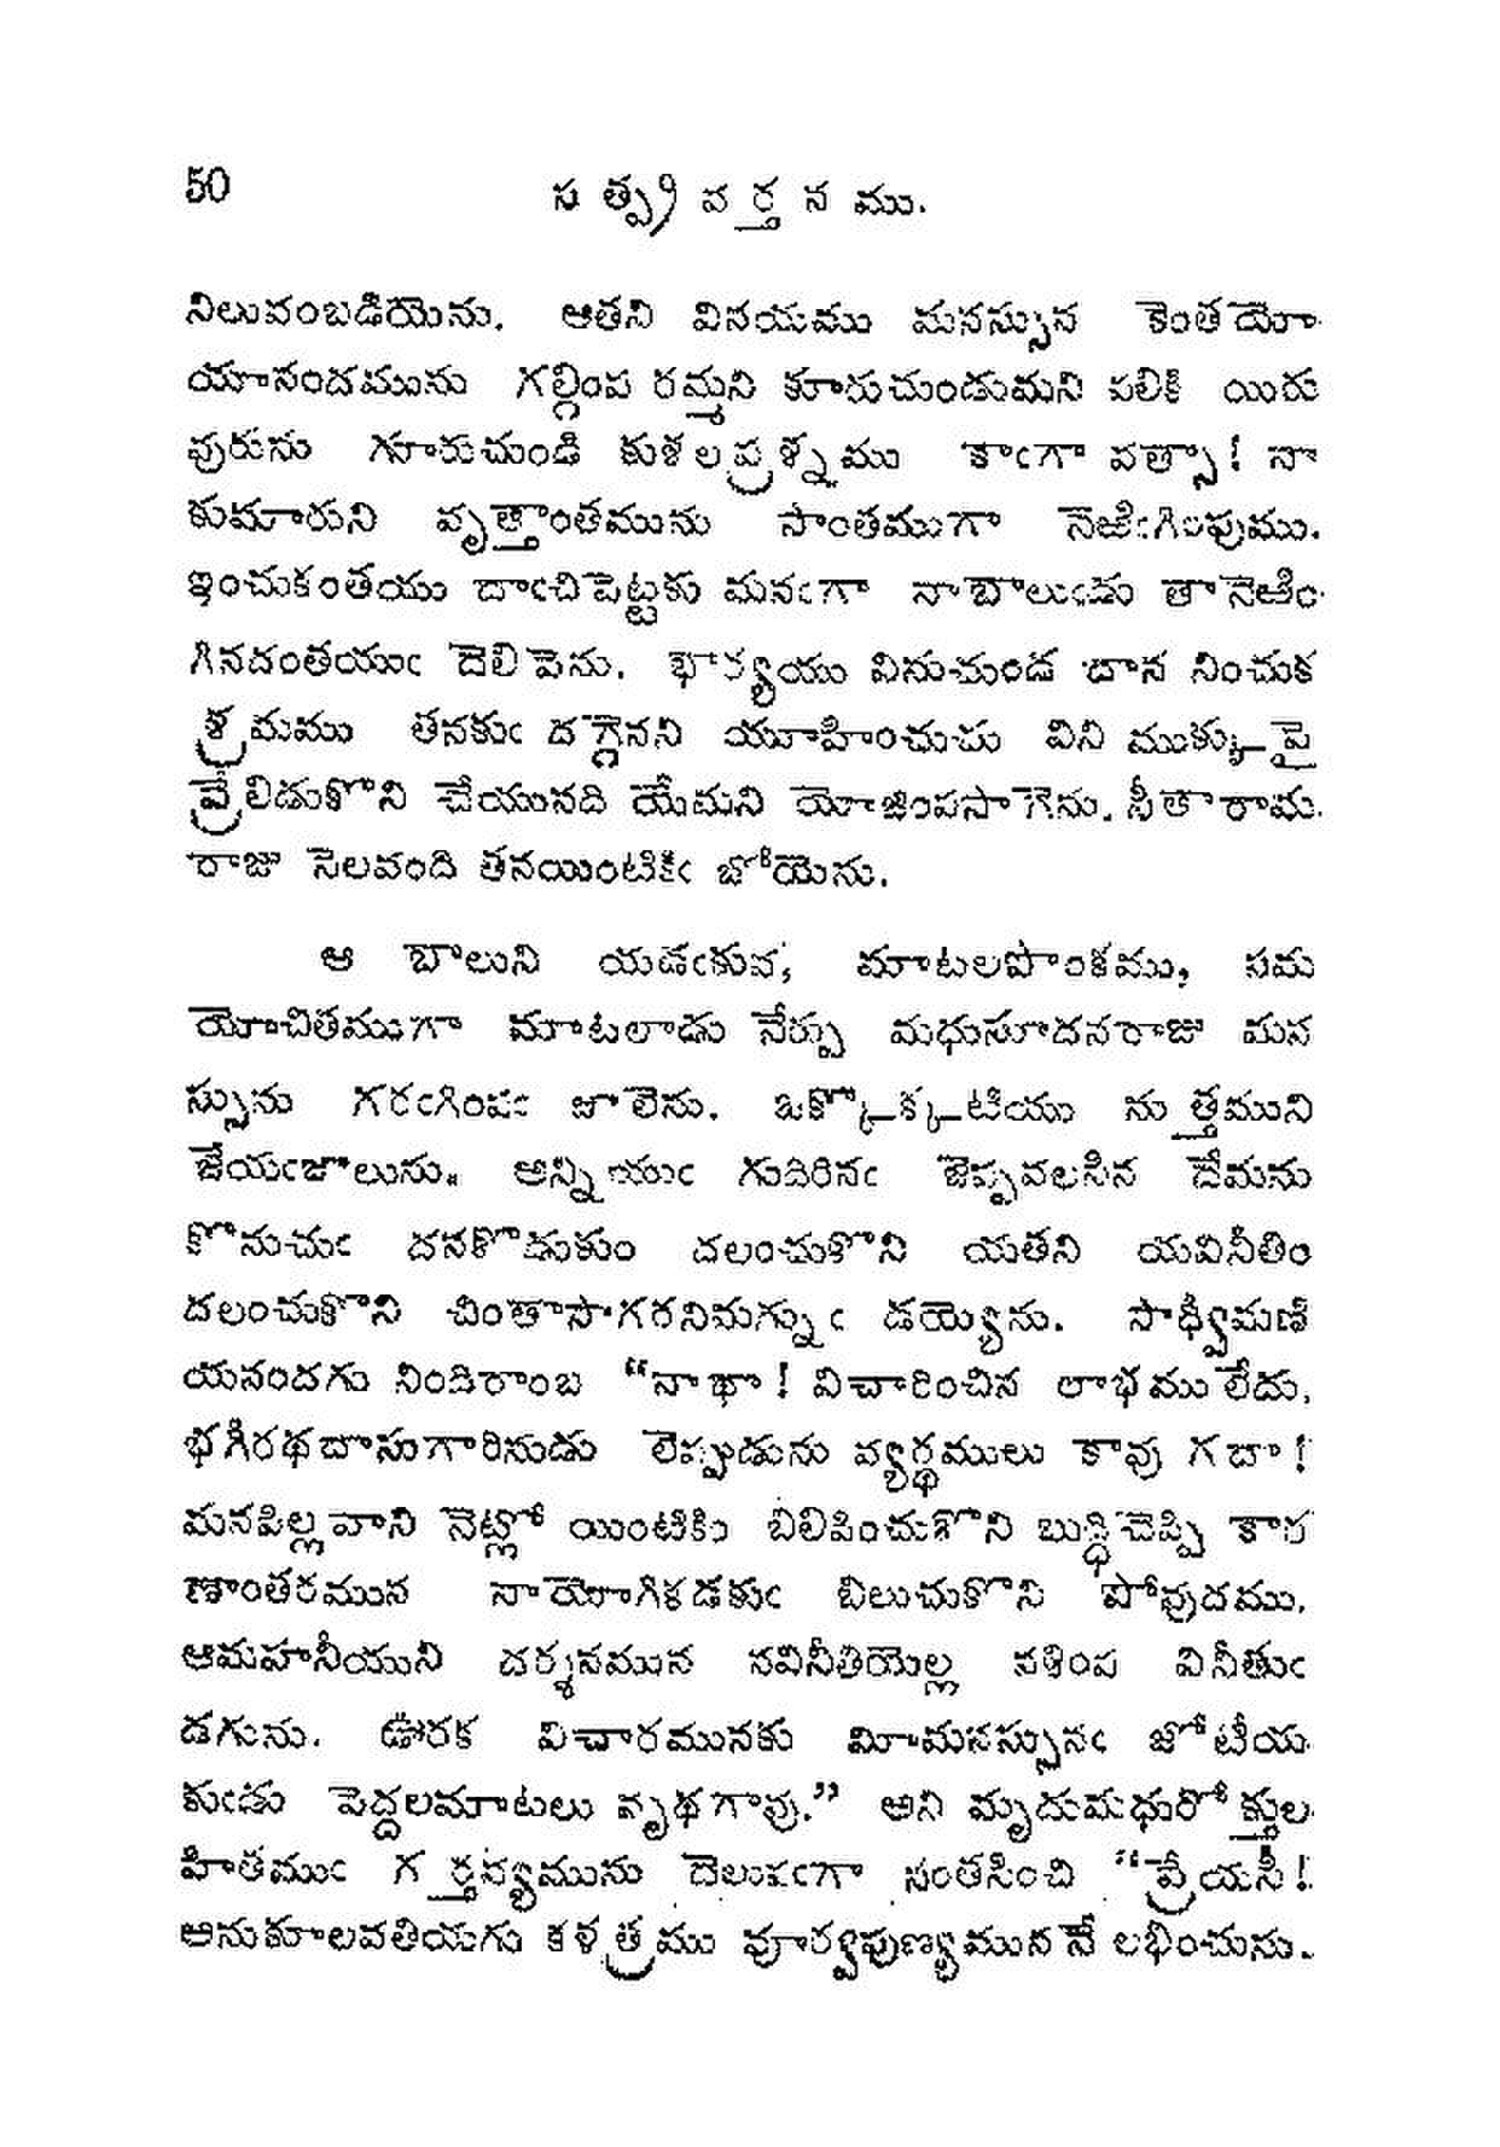నిలువంబడియెను. అతని వినయము మనస్సున కెంతయో యానందమును గల్గింప రమ్మని కూరుచుండుమని పలికి యిరు వురును గూరుచుండి కుశలప్రశ్నము కాఁగా వత్సా! నా కుమారుని వృత్తాంతమును సాంతముగా నెఱింగింపుము. ఇంచుకంతయు దాఁచి పెట్టకు మనఁగా నాబాలుడు తానేఱింగిన దంతయుఁ దెలిపెను. భార్యయు వినుచుండ దాన నించుక శ్రమము తనకుఁ దగ్గెనని యూహించుచు విని ముక్కుపై వేలిడుకొని చేయునది యేముని యోజింపసాగెను. సీతారామరాజు సెలవంది తనయింటికి బోయెను.

ఆ బాలుని యడఁకువ, మాటలపొంకము, సమ యోచితముగా మాటలాడు నేర్పు మధుసూదనరాజు మనస్సును గరగింపు జాలెను, ఒక్కొక్కటియు నుత్తముని జేయఁజాలును. అన్నియు గుదిరినఁ జెప్పవలసిన దేమను కొనుచుఁ దనకొడుకుం దలంచుకొని యతని యవినీతిం దలంచుకొని చింతాసాగర నిమగ్నుఁ డయ్యెను. సాధ్వీమణి యనందగు నిందిరాంబ "నాథా! విచారించిన లాభము లేదు, భగీరథదాసుగారినుడు లెప్పుడును వ్యర్థములు కావు గదా! మనపిల్ల వాని నెట్లో యింటికి బిలిపించుకోని బుద్ది చెప్పి కారణాంతరమున నా యోగికడకుఁ బిలుచుకొని 'పోవుదము, ఆమహనీయుని దర్శనమున నవినీతియెల్ల నశింప వినీతుఁడగును. ఊరక విచారమునకు మీమనస్సునం జోటీయ కుఁడు పెద్దలమాటలు వృథ గావు.” అని మృదుమధురోక్తుల హితముఁ గర్తవ్యమును దెలుఁగా సంతసించి "ప్రేయసీ !. అనుకూలవతియగు కళత్రము వూర్వపుణ్యమున నే లభించును.